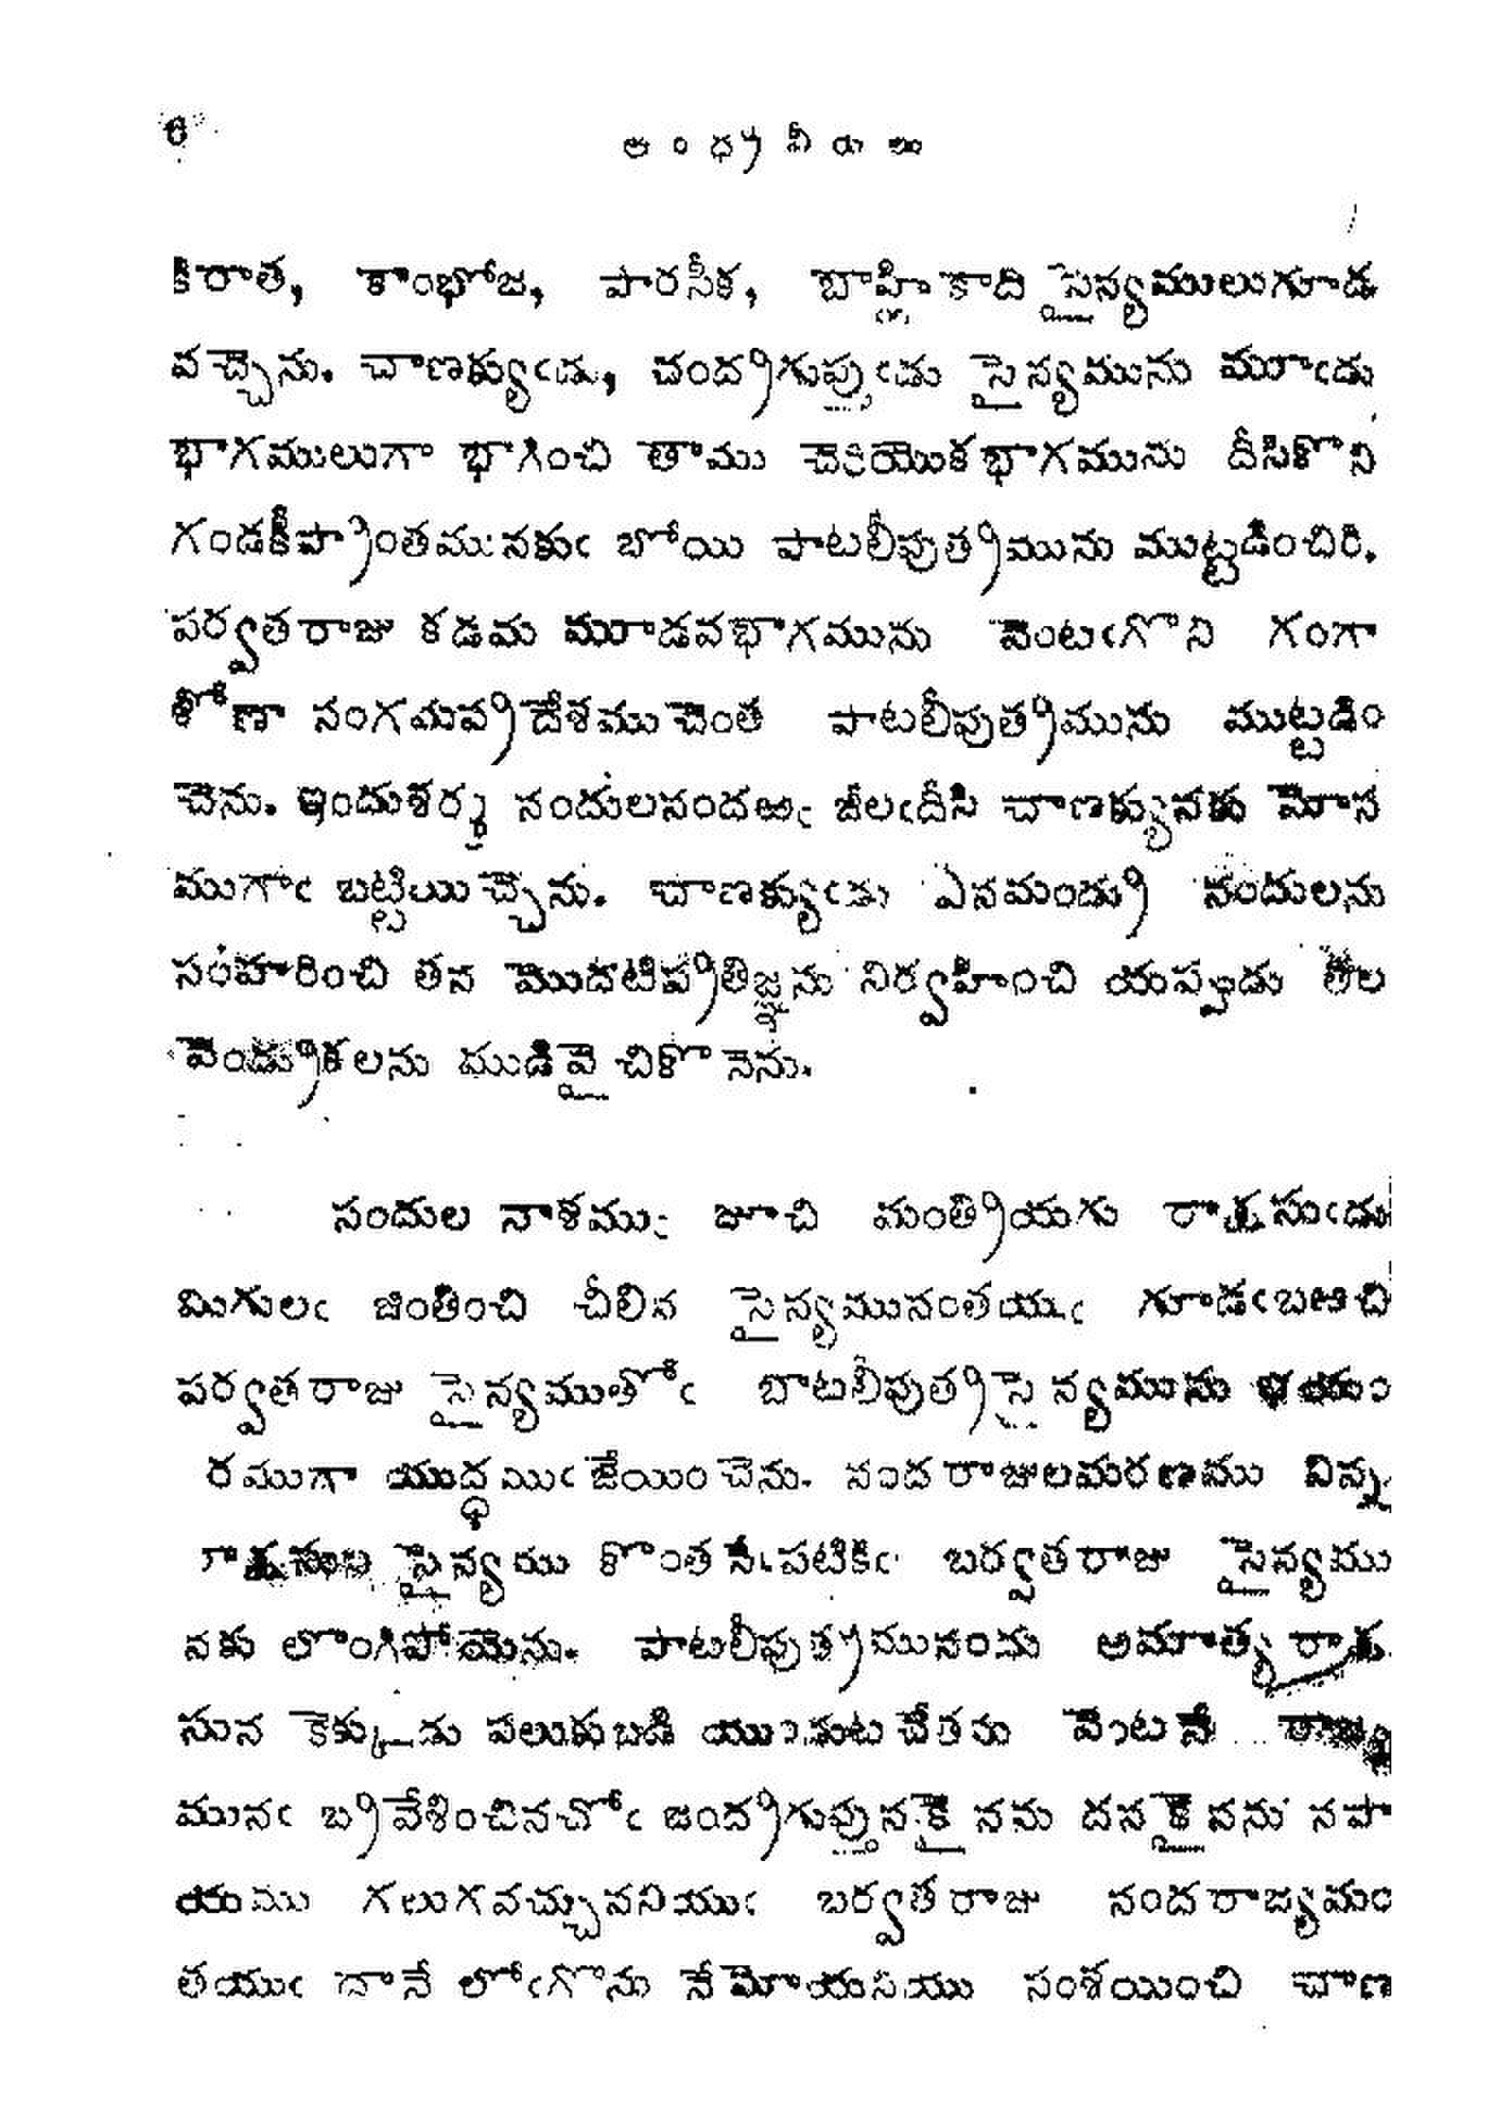కిరాత, కాంభోజ, పారసీక, బాహ్లి కాది సైన్యములుగూడ వచ్చెను. చాణక్యుడు, చంద్రగుప్తుడు సైన్యమును మూడు భాగములుగా భాగించి తాము చెరియొక భాగమును దీసికొని గండకీ ప్రాంతమునకు బోయి పాటలీపుత్రమును ముట్టడించిరి. పర్వతరాజు కడమ మూడవభాగమును వెంటగొని గంగా శోణా సంగమప్రదేశము చెంత పాటలీపుత్రమును ముట్టడించెను. ఇందుశర్మ నందులనందఱ జీలదీసి చాణక్యునకు మోసముగా బట్టియిచ్చెను. చాణక్యుడు ఎనమండ్రు నందులను సంహరించి తన మొదటిప్రతిజ్ఞను నిర్వహించి యప్పుడు తల వెండ్రుకలను ముడివైచికొనెను.

నందుల నాశము జూచి మంత్రియగు రాక్షసుడు మిగుల జింతించి చీలిన సైన్యమునంతయు గూడబఱచి పర్వతరాజు సైన్యముతో బాటలీపుత్రసైన్యమును భయంకరముగా యుద్ధము జేయించెను. నందరాజులమరణము విన్న రాక్షసుల సైన్యము కొంతసేపటికి బర్వతరాజు సైన్యమునకు లొంగిపోయెను. పాటలీపుత్రమునందు అమాత్య రాక్షసున కెక్కుడు పలుకుబడి యుండుటచేతను వెంటనే రాజ్యమున బ్రవేశించినచో జంద్రగుప్తునకైనను దనకైనను నపాయము గలుగవచ్చుననియు బర్వతరాజు నందరాజ్యమంతయు దానే లోగొను నేమోయనియు సంశయించి చాణ